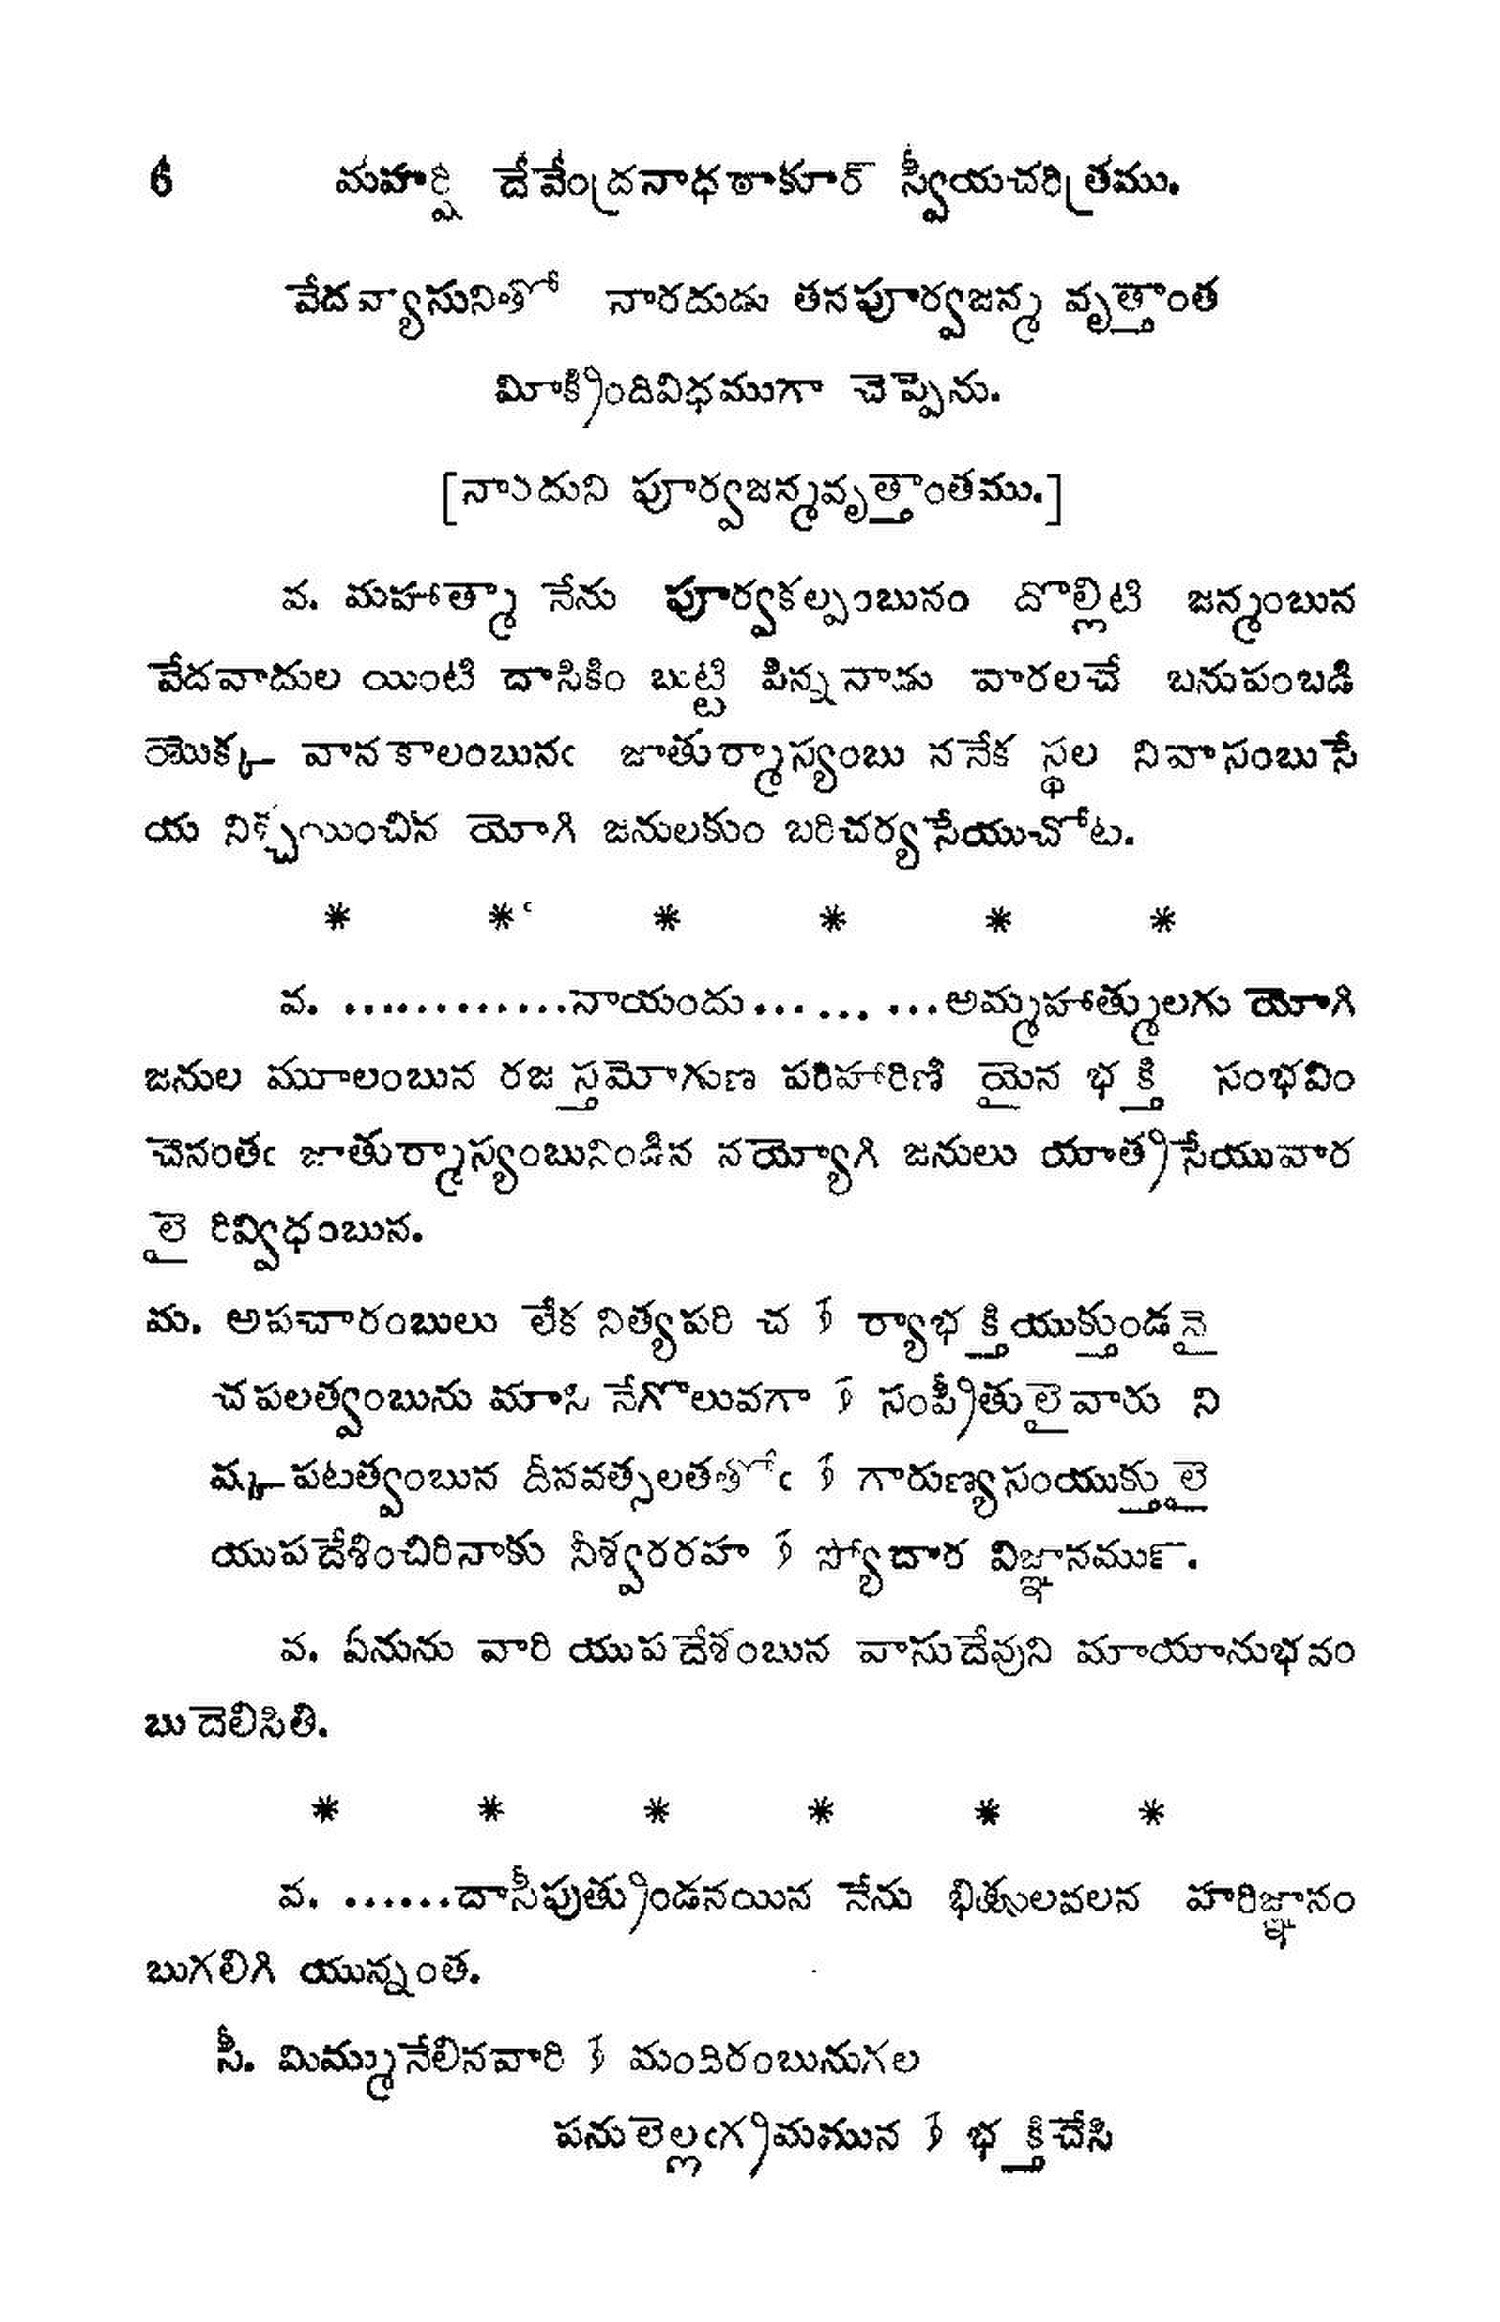వ. మహాత్మా నేను పూర్వకల్పంబునం దొల్లిటి జన్మంబున వేదవాదుల యింటి దాసికిం బుట్టి పిన్న నాడు వారలచే బనుపంబడి యొక్క వాన కాలంబునఁ జాతుర్మాస్యంబు ననేక స్థల నివాసంబు సేయ నిశ్చయించిన యోగి జనులకుం బరిచర్య సేయుచోట.

వ............. నాయందు ... ... ... అమ్మహాత్ములగు యోగి జనుల మూలంబున రజస్తమోగుణ పరిహారిణి యైన భక్తి సంభవించెనంతఁ జాతుర్మాస్యంబునిండిన నయ్యోగి జనులు యాత్ర సేయువారలై రివ్విధంబున. 

మ. అపచారంబులు లేక నిత్యపరి చర్యాభ క్తి యుక్తుండనై
చపలత్వంబును మాసి నేగొలువగా సంప్రీతులైవారు ని 
ష్కపటత్వంబున దీనవత్సలతతో గారుణ్య సంయుక్తులై 
యుపదేశించిరి నాకు నీశ్వరరహస్యో దార విజ్ఞానమున్

వ. ఏనును వారి యుపదేశంబున వాసు దేవుని మాయానుభవంబు దెలిసితి.

వ. ......దాసీపుతుండనయిన నేను భిక్షుకులవలన హరిజ్ఞానంబుగలిగి యున్నంత. 

సీ. మిమ్మునేలినవారి మందిరంబునుగల
 పను లెల్లఁగ్రమమున భక్తి చేసి